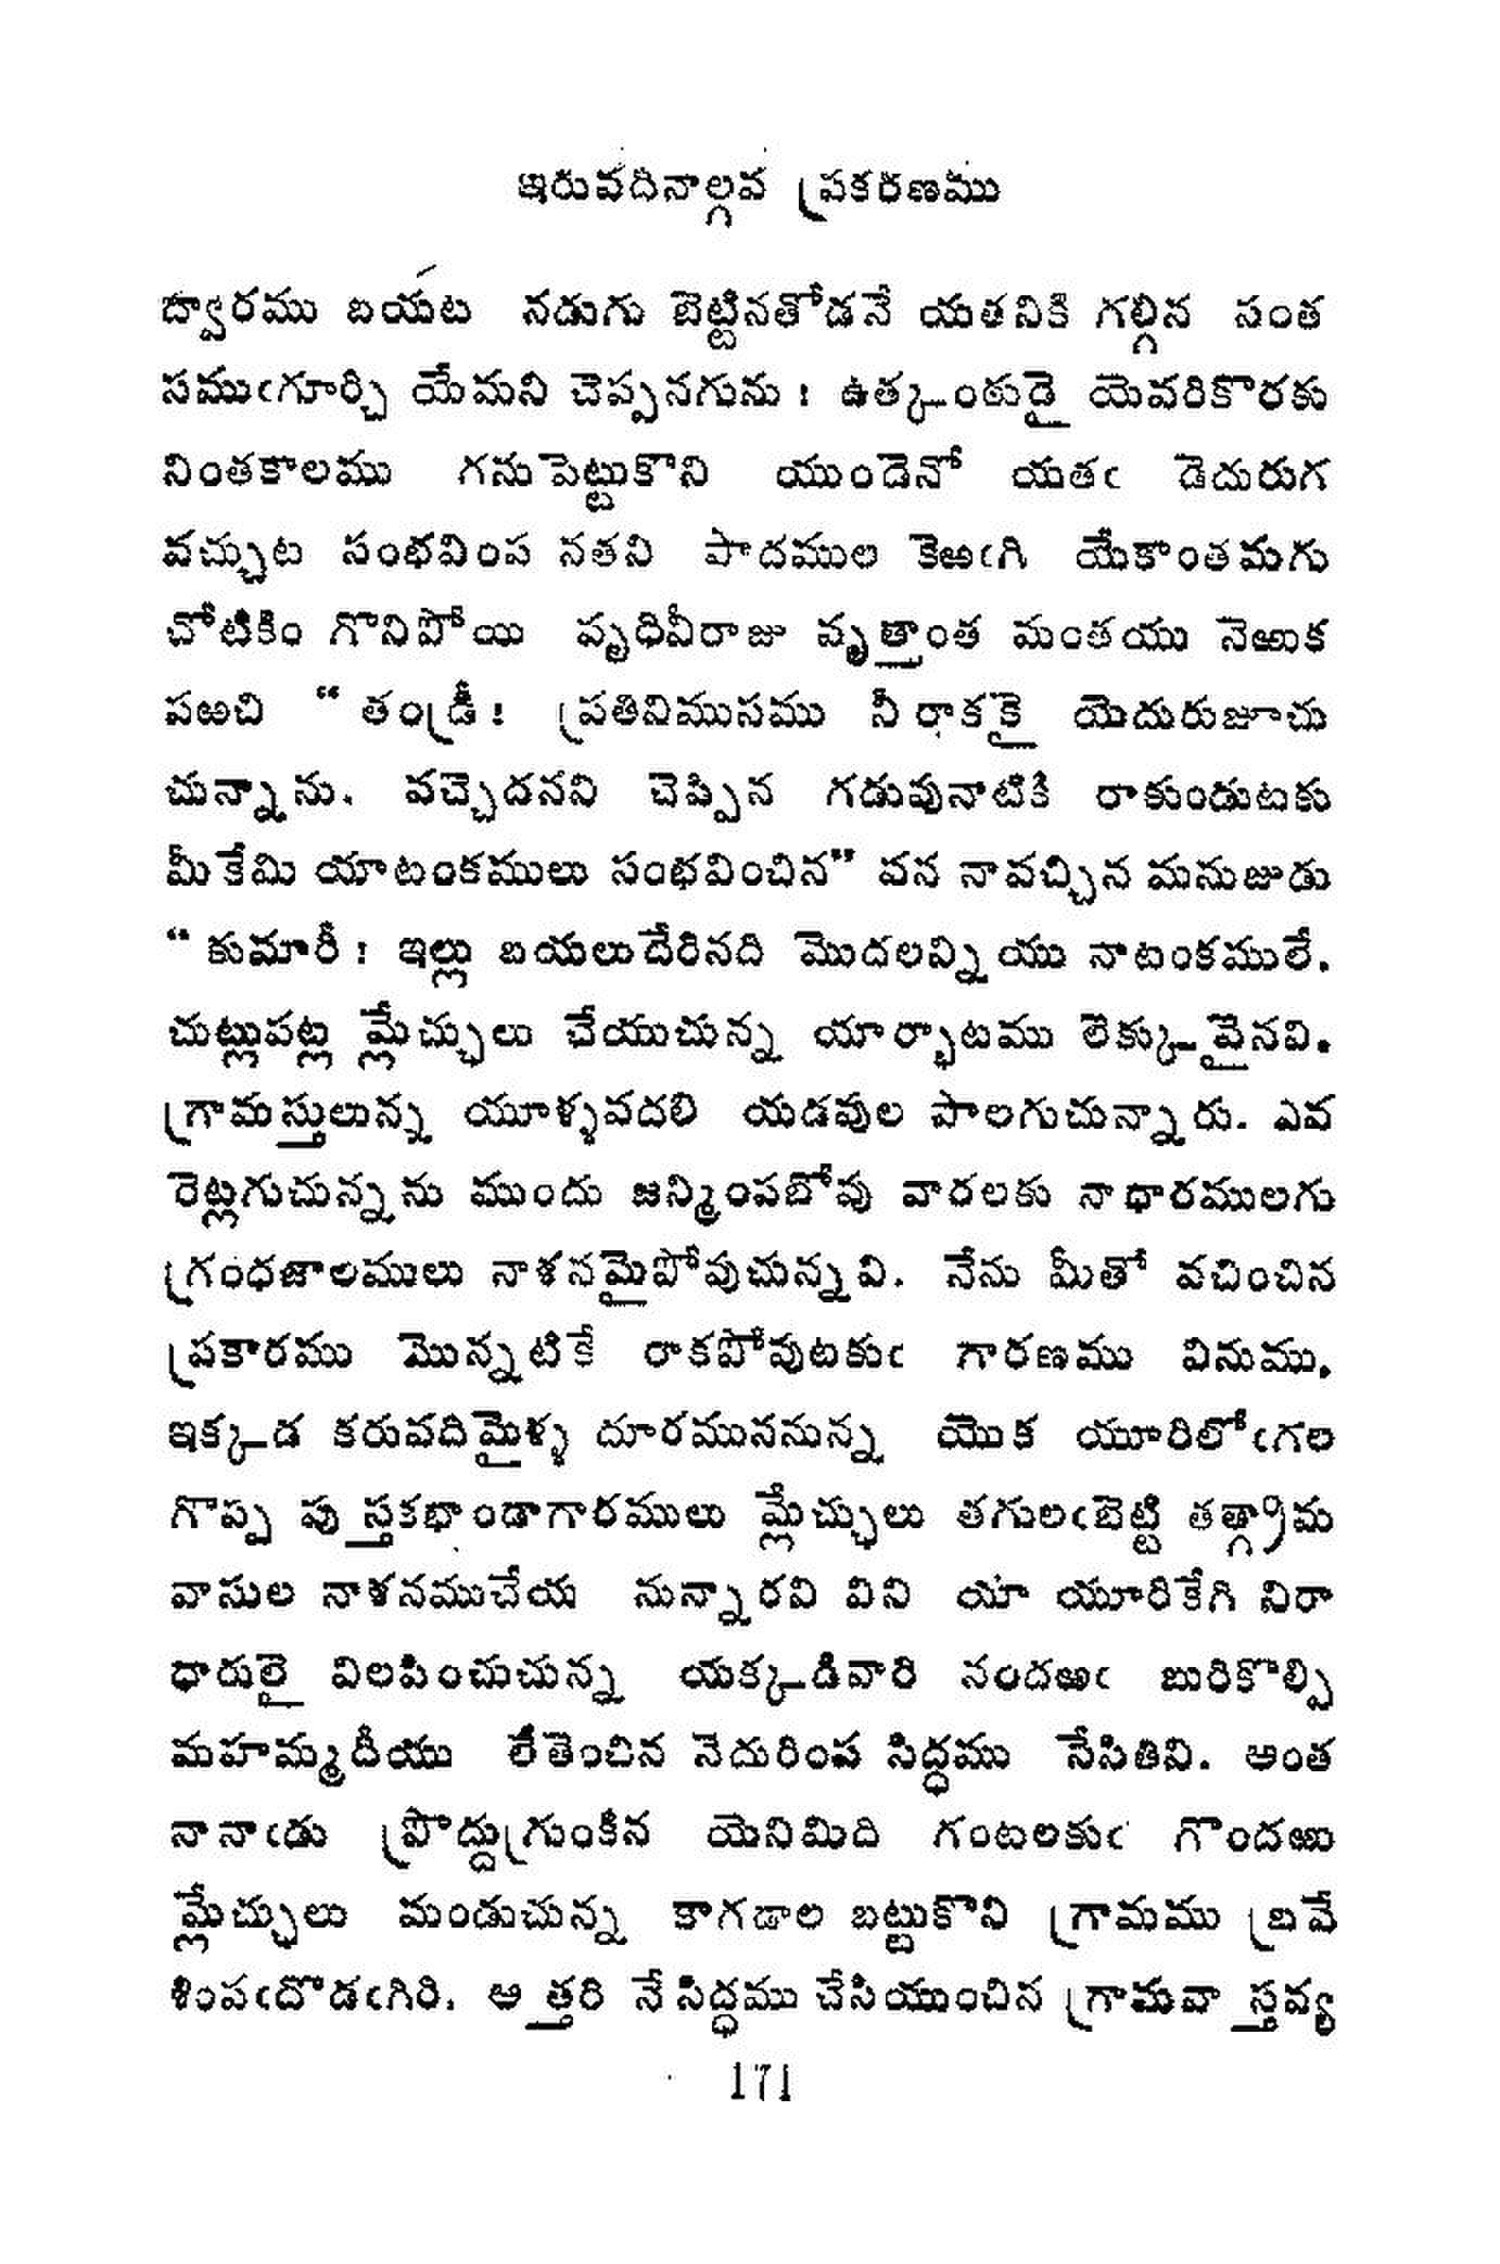ద్వారము బయట నడుగు బెట్టినతోడనే యతనికి గల్గిన సంతసముఁగూర్చి యేమని చెప్పనగును ! ఉత్కంఠుడై యెవరికొరకు నింతకాలము గనుపెట్టుకొని యుండెనో యతఁ డెదురుగ వచ్చుట సంభవింప నతని పాదముల కెఱఁగి యేకాంతమగు చోటికిం గొనిపోయి వృధివీరాజు వృత్తాంత మంతయు నెఱుకపఱచి " తండ్రీ ! ప్రతినిముసము నీ రాకకై యెదురుజూచు చున్నాను. వచ్చెదనని చెప్పిన గడువునాటికి రాకుండుటకు మీకేమి యాటంకములు సంభవించిన" వన నావచ్చిన మనుజుడు " కుమారీ ! ఇల్లు బయలుదేరినది మొదలన్నియు నాటంకములే. చుట్లుపట్ల మ్లేచ్ఛులు చేయుచున్న యార్భాటము లెక్కువైనవి. గ్రామస్తులున్న యూళ్ళవదలి యడవుల పాలగుచున్నారు. ఎవరెట్లగుచున్నను ముందు జన్మింపబోవు వారలకు నాధారములగు గ్రంధజాలములు నాశనమైపోవుచున్నవి. నేను మీతో వచించిన ప్రకారము మొన్నటికే రాకపోవుటకుఁ గారణము వినుము. ఇక్కడ కరువదిమైళ్ళ దూరముననున్న యొక యూరిలోఁగల గొప్ప పుస్తకభాండాగారములు మ్లేచ్ఛులు తగులఁబెట్టి తత్గ్రామ వాసుల నాశనముచేయ నున్నారవి విని యా యూరికేగి నిరాధారులై విలపించుచున్న యక్కడివారి నందఱఁ బురికొల్పి మహమ్మదీయు లేతెంచిన నెదురింప సిద్ధము చేసితివి. అంత నానాఁడు ప్రొద్దుగ్రుంకిన యెనిమిది గంటలకుఁ గొందఱు
మ్లేచ్చులు మండుచున్న కాగడాల బట్టుకొని గ్రామము బ్రివేశింపఁదొడఁగిరి. అత్తరి నేసిద్ధము చేసియుంచిన గ్రామవాస్తవ్య